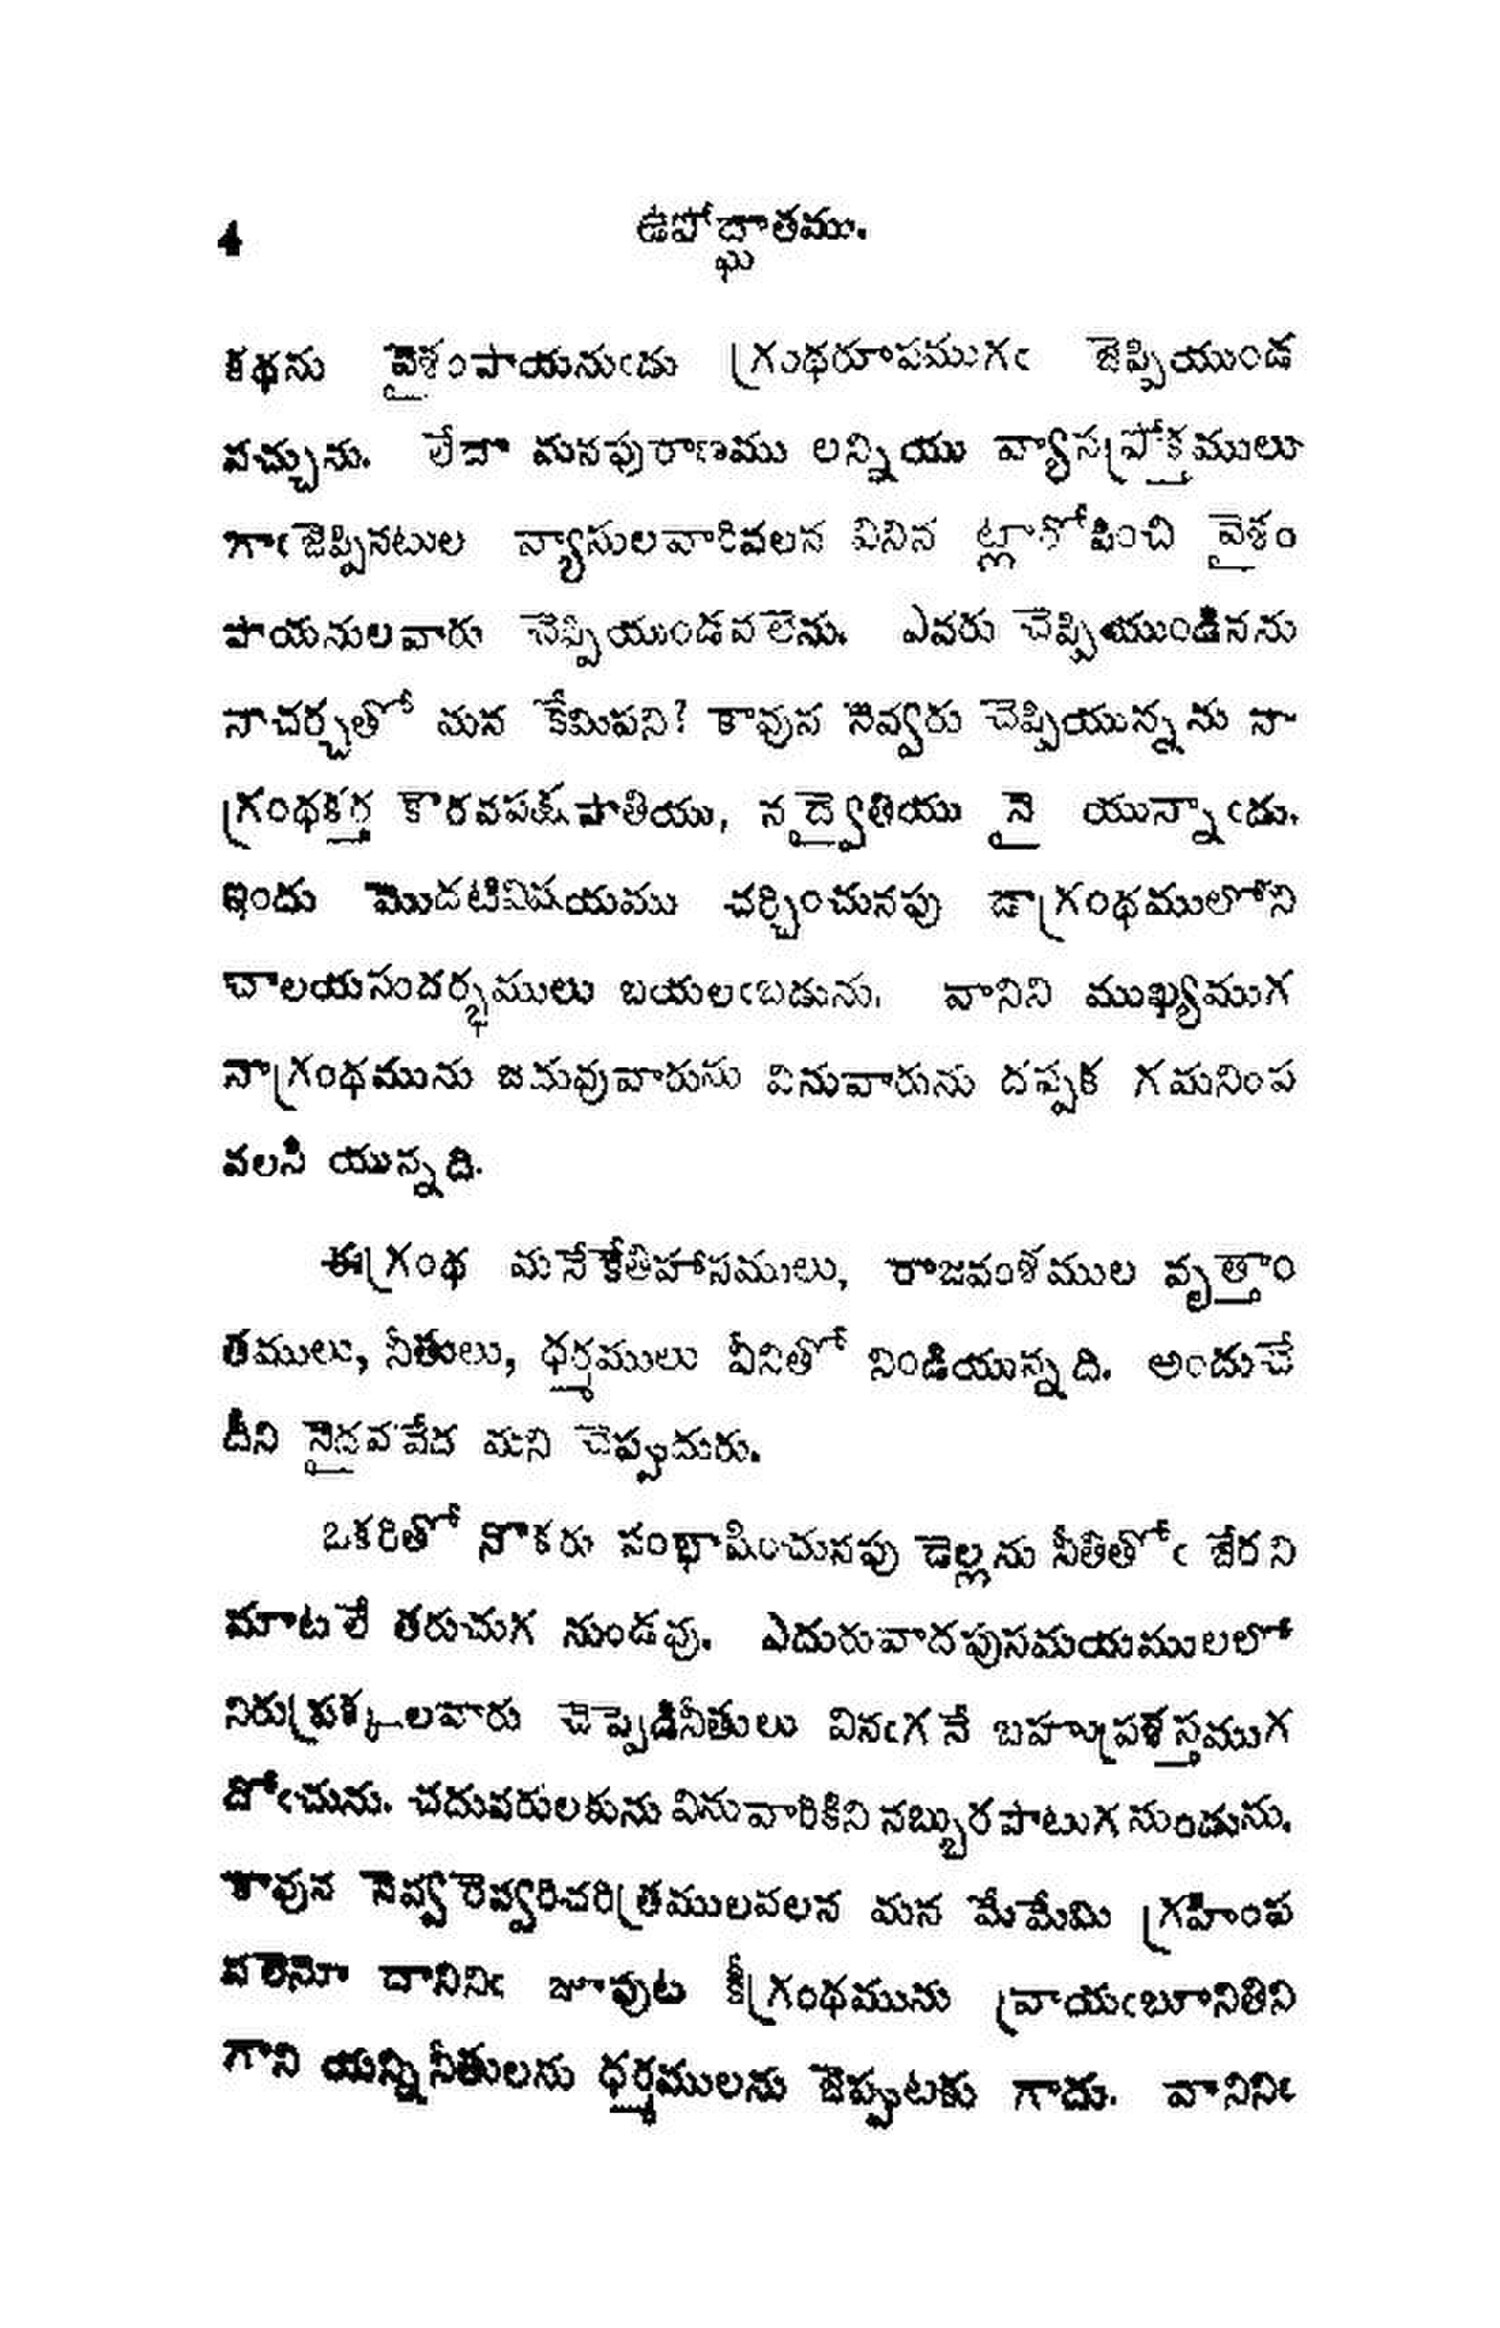కథను వైశంపాయనుఁడు గ్రంథరూపముగఁ జెప్పియుండ వచ్చును. లేదా మనపురాణము లన్నియు వ్యాసప్రోక్తములుగాఁ జెప్పినటుల వ్యాసులవారివలన వినిన ట్లారోపించి వైశంపాయనులవారు చెప్పియుండవలెను. ఎవరు చెప్పియుండినను నాచర్చతో మన కేమిపని? కావున నెవ్వరు చెప్పియున్నను నాగ్రంథకర్త కౌరవపక్షపాతియు, నద్వైతియు నై యున్నాఁడు. ఇందు మొదటివిషయము చర్చించునపు డాగ్రంథములోని చాలయసందర్భములు బయలఁబడును. వానిని ముఖ్యముగ నాగ్రంథమును జదువువారును వినువారును దప్పక గమనింప వలసి యున్నది.

ఈగ్రంథ మనేకేతిహాసములు, రాజవంశముల వృత్తాంతములు, నీతులు, ధర్మములు వీనితో నిండియున్నది. అందుచే దీని నైదవవేద మని చెప్పుదురు.

ఒకరితో నొకరు సంభాషించునపు డెల్లను నీతితోఁ జేరని మాటలే తరుచుగ నుండవు. ఎదురువాదపు సమయములలో నిరుప్రక్కలవారు చెప్పెడినీతులు వినఁగనే బహుప్రశస్తముగ దోఁచును. చదువరులకును వినువారికిని నబ్బురపాటుగ నుండును. కావున నెవ్వరెవ్వరిచరిత్రములవలన మన మేమేమి గ్రహింపవలెనో దానినిఁ జూవుట కీగ్రంథమును వ్రాయఁబూనితిని గాని యన్నినీతులను ధర్మములను జెప్పుటకు గాదు. వానినిఁ